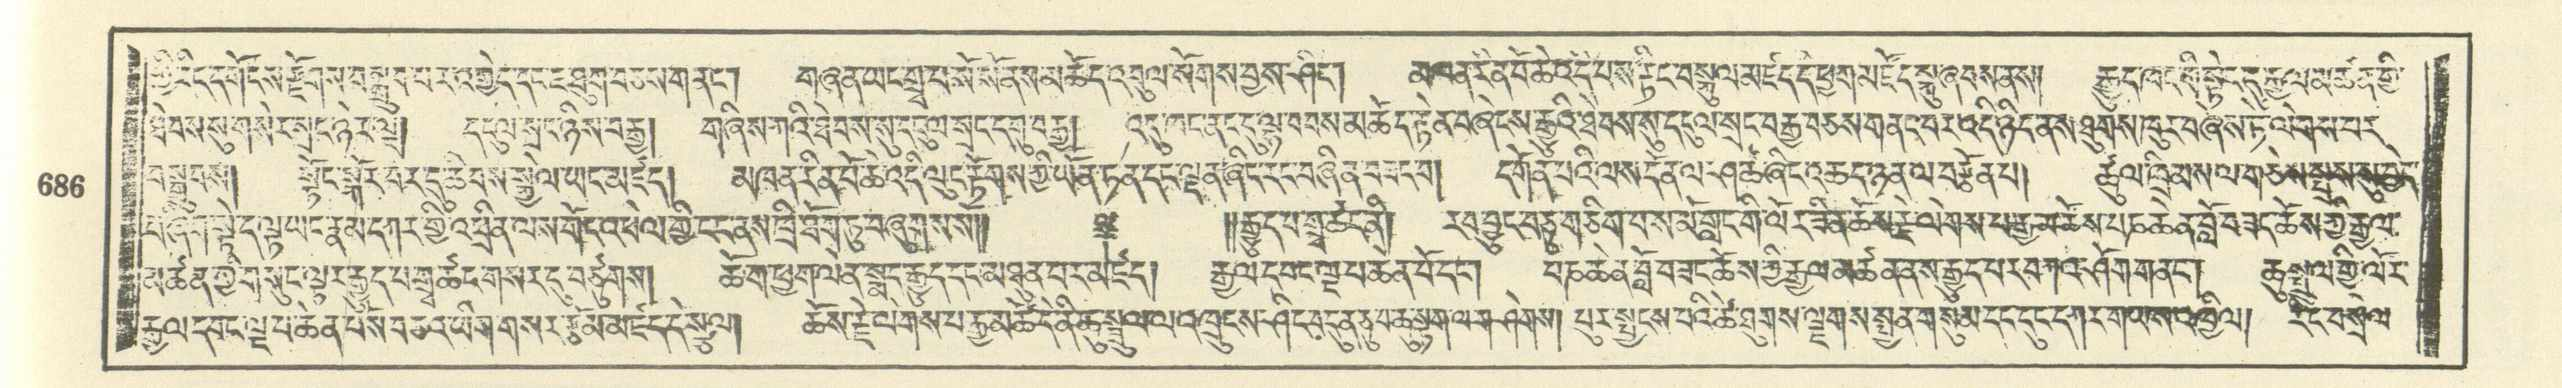ཀྱི་རིང་དགོངས་རྫོགས་བསྒྲུབ་པར་འགྱེད་དང་ཇ་ཐུག་བཅས་གནང་། གཞན་ཡང་གྲྭ་པ་སོ་སོ་ནས་མཆོད་འབུལ་སོགས་བྱས་ཤིང་། མཁན་རིན་པོ་ཆེ་འདི་པས་རྟིང་བསྐུལ་མཛད་དེ་ཕྱག་མཛོད་སྐུ་ཞབས་ནས། རྒྱུད་ཁང་གི་སྟེང་དུ་རྒྱལ་མཚན་གྱི་
ཐེབས་སུ་གསེར་སྲང་ཉེར་ལྔ། དངུལ་སྲང་ཉིས་བརྒྱ། གཞིས་ཀའི་ཐེབས་སུ་དངུལ་སྲང་དགུ་བརྒྱ། འདུ་ཁང་ནང་དུ་ལྷ་བབས་མཆོད་རྟེན་བཞེངས་རྒྱུའི་ཐེབས་སུ་དངུལ་སྲང་བརྒྱ་བཅས་གནང་བར་འདི་ཉིད་ནས་ཐུགས་ཁུར་བཞེས་ཏེ་ལེགས་པར་
བསྒྲུབས། སྟོང་སྐོར་བར་དུ་ཆིབས་སྐྱེལ་ཡང་མཛད། མཁན་རིན་པོ་ཆེ་འདི་ལུང་རྟོགས་ཀྱི་ཡོན་ཏན་དང་ལྡན་ཞིང་རང་བཞིན་བཟང་བ། དགོན་པའི་ལས་དོན་ལ་ཤ་ཚ་ཞིང་འཆད་ཉན་ལ་བརྩོན་པ། ཚུལ་ཁྲིམས་ལ་གཅེས་སྤྲས་སུ་བྱེད་
པ་ཞིག་སྟེ་ད་ལྟ་ཡང་རྣམ་དཀར་གྱི་འཕྲིན་ལས་གོང་འཕེལ་གྱི་ངང་ནས་ཁྲི་ཐོག་ཏུ་བཞུགས་སོ།། ༈ །།རྒྱུད་པ་གྲྭ་ཚང་ནི། རབ་བྱུང་བཅུ་གཅིག་པ་ས་མོ་གླང་གི་ལོར་ཟི་ན་ཆོས་རྗེ་ལེགས་པ་རྒྱ་མཚོས་པཎ་ཆེན་བློ་བཟང་ཆོས་ཀྱི་རྒྱལ་
མཚན་གྱི་གསུང་ལྟར་རྒྱུད་པ་གྲྭ་ཚང་གསར་དུ་བཙུགས། ཆོ་ག་ཕྱག་ལེན་སྨད་རྒྱུད་དང་མཐུན་པར་མཛད༑ རྒྱལ་དབང་ལྔ་པ་ཆེན་པོ་དང་། པཎ་ཆེན་བློ་བཟང་ཆོས་ཀྱི་རྒྱལ་མཚན་ནས་རྒྱུད་པར་བཀའ་ཤོག་གནང་། ཆུ་སྤྲུལ་གྱི་ལོར་
རྒྱལ་དབང་ལྔ་པ་ཆེན་པོས་བཅའ་ཡིག་གསར་རྩོམ་མཛད་དེ་སྩལ། ཆོས་རྗེ་ལེགས་པ་རྒྱ་མཚོ་དེ་ནི་ཆུ་སྤྲུལ་ལ་འཁྲུངས་ཤིང་བདུན་ཅུ་པ་ཆུ་སྟག་ལ་གཤེགས། པུར་སྤྱངས་པའི་ཚེ་ཐུགས་ལྗགས་སྤྱན་གསུམ་དང་དུང་དཀར་གཡས་འཁྱིལ། རིང་བསྲེལ་